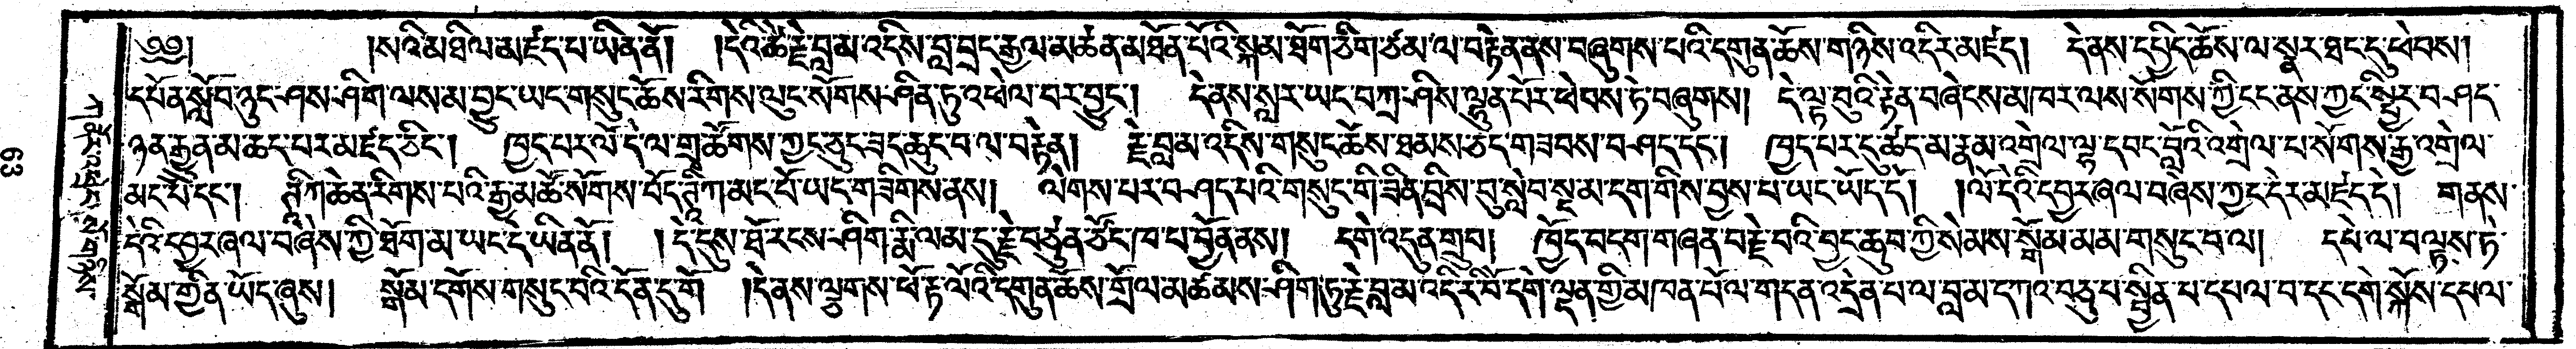༄༅། །སའི་མཐིལ་མཛད་པ་ཡིན་ནོ། །དེའི་ཚེ་རྗེ་བླ་མ་འདིས་བླ་བྲང་རྒྱལ་མཚན་མཐོན་པོའི་སྐམ་ཐོག་ཅིག་ཙམ་ལ་བརྟེན་ནས་བཞུགས་པའི་དགུན་ཆོས་གཉིས་འདིར་མཛད། དེ་ནས་དཔྱིད་ཆོས་ལ་སྣར་ཐང་དུ་ཕེབས།
དཔོན་སློབ་ཉུང་ཤས་ཤིག་ལས་མ་བྱུང་ཡང་གསུང་ཆོས་རིགས་ལུང་སོགས་ཤིན་ཏུ་འཕེལ་བར་བྱུང་། དེ་ནས་སླར་ཡང་བཀྲ་ཤིས་ལྷུན་པོར་ཕེབས་ཏེ་བཞུགས། དེ་ལྟ་བུའི་རྟེན་བཞེངས་མཁར་ལས་སོགས་ཀྱི་ངང་ནས་ཀྱང་སྤྱིར་བཤད་
ཉན་རྒྱུན་མ་ཆད་པར་མཛད་ཅིང་། ཁྱད་པར་ལོ་དེ་ལ་གྲྭ་ཚོགས་ཀྱང་ཅུང་ཟད་ཆུང་བ་ལ་བརྟེན། རྗེ་བླ་མ་འདིས་གསུང་ཆོས་ཐམས་ཅད་གཟབས་བཤད་དང་། ཁྱད་པར་དུ་ཚད་མ་རྣམ་འགྲེལ་ལྷ་དབང་བློའི་འགྲེལ་པ་སོགས་རྒྱ་འགྲེལ་
མང་པོ་དང་། ཊཱིཀ་ཆེན་རིགས་པའི་རྒྱ་མཚོ་སོགས་བོད་ཊཱི་ཀ་མང་པོ་ཡང་གཟིགས་ནས། ལེགས་པར་བཤད་པའི་གསུང་གི་ཟིན་བྲིས་བུ་སླེབ་སྔ་མ་དག་གིས་བྱས་པ་ཡང་ཡོད་དོ། །ལོ་དེའི་དབྱར་ཞལ་བཞེས་ཀྱང་དེར་མཛད་དེ། གནས་
དེའི་དབྱར་ཞལ་བཞེས་ཀྱི་ཐོག་མ་ཡང་དེ་ཡིན་ནོ། །དེ་དུས་ཐོ་རངས་ཤིག་རྨི་ལམ་དུ་རྗེ་བཙུན་ཙོང་ཁ་པ་བྱོན་ནས། དགེ་འདུན་གྲུབ། ཁྱོད་བདག་གཞན་བརྗེ་བའི་བྱང་ཆུབ་ཀྱི་སེམས་སྒོམ་མམ་གསུང་བ་ལ། དཔེ་ལ་བལྟས་ཏེ་
སྒོམ་གྱིན་ཡོད་ཞུས། སྒོམ་དགོས་གསུང་བའི་དོན་དུ་གོ །དེ་ནས་ལྕགས་ཕོ་རྟ་ལོའི་དགུན་ཆོས་གྲོལ་མཚམས་ཤིག་ཏུ་རྗེ་བླ་མ་འདི་རི་བོ་དགེ་ལྡན་གྱི་མཁན་པོ་ལ་གདན་འདྲེན་པ་ལ་བླ་མ་དཀའ་བཅུ་པ་སྦྱིན་པ་དཔལ་བ་དང་དགེ་སྐོས་དཔལ་